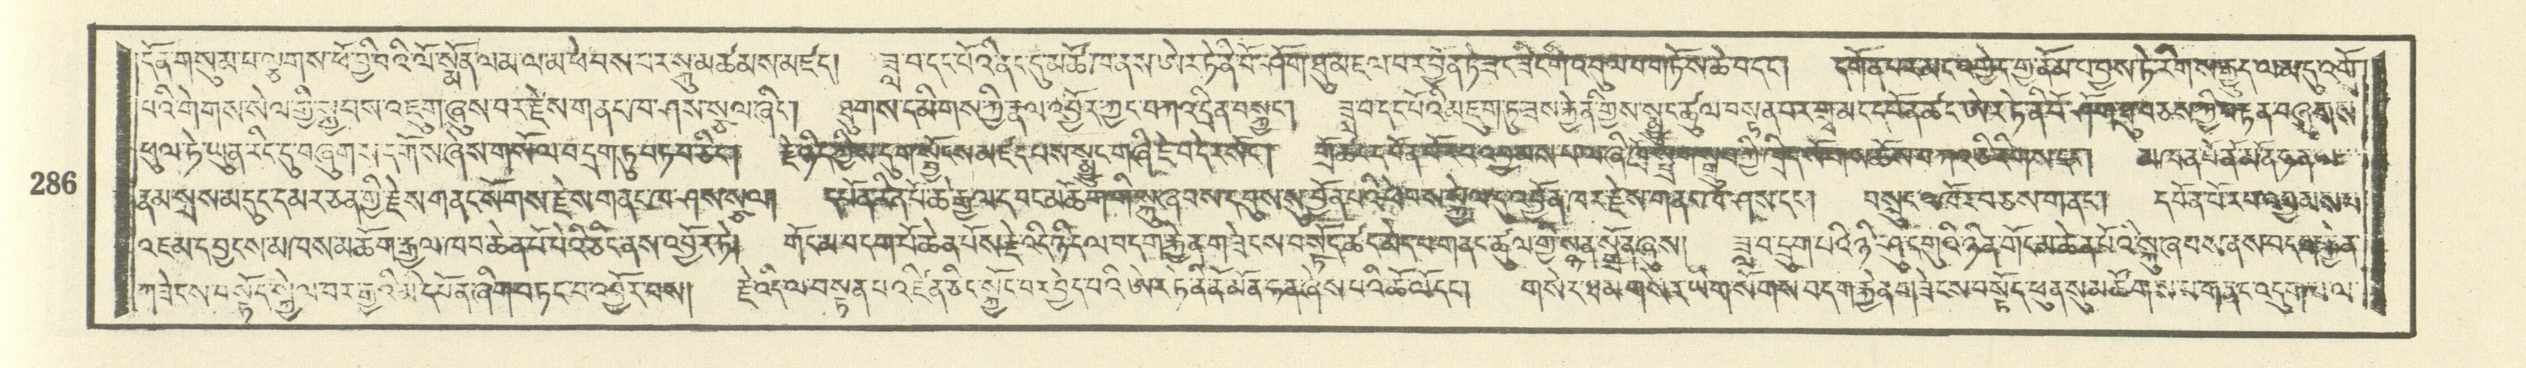དོན་གསུམ་པ་ལྕགས་ཕོ་བྱི་བའི་ལོ་སྨོན་ལམ་ལ་མ་ཕེབས་པར་སྐུ་མཚམས་མཛད། ཟླ་བ་དང་པོའི་ནང་དུ་མཚོ་ཁ་ནས་ཨེར་ཏེ་ནི་བོ་ཤོག་ཐུ་མཇལ་བར་བྱོན་ཏེ་ཟང་ཟིང་གི་འབུལ་བ་གཏོས་ཆེ་བ་དང་། དགོན་པར་མང་འགྱེད་གྱ་ནོམ་པ་བྱས་ཏེ་རིགས་རྒྱུད་ལམ་དུ་འགྲོ་
པའི་གེགས་སེལ་གྱི་སྐྱབས་འཇུག་ཞུས་པར་རྗེས་གནང་ཁ་ཤས་སྩལ་ཞིང་། ཐུགས་དམིགས་ཀྱི་རྣལ་འབྱོར་ཀྱང་བཀའ་དྲིན་བསྐྱང་། ཟླ་བ་དང་པོའི་མཇུག་ཏུ་ཟས་རྐྱེན་གྱིས་སྨྱུང་ཚུལ་བསྟན་པར་གྲྭ་མང་དཔོན་ཚང་ཨེར་ཏེ་ནི་པོ་ཤོག་ཐུ་བཅས་ཀྱི་བརྟན་བཞུགས་
ཕུལ་ཏེ་ཡུན་རིང་དུ་བཞུགས་དགོས་ཞེས་གསོལ་བ་དྲག་ཏུ་བཏབ་ཅིང་། རྗེ་ཉིད་ཀྱིས་དུག་སྦྱོངས་མཛད་པས་སྨྱུང་གཞི་ཇེ་བདེར་སོང་། གྲོ་ཚང་དཔོན་པོ་རབ་འབྱམས་པ་ལ་ཞི་ཁྲོ་སྦྲག་སྒྲུབ་ཀྱི་ཁྲིད་སོགས་ཆོས་བཀའ་ཅི་རིགས་དང་། མཁན་པོ་ནོ་མོན་ཧན་ལ་
རྣམ་སྲས་མདུང་དམར་ཅན་གྱི་རྗེས་གནང་སོགས་རྗེས་གནང་ཁ་ཤས་སྩལ། དཔོན་རིན་པོ་ཆེ་རྒྱལ་དབང་མཆོག་གི་སྐུ་ཞབས་དབུས་སུ་བྱོན་པའི་ཕེབས་སྐྱེལ་དུ་འབྱོན་ཁར་རྗེས་གནང་ཁ་ཤས་དང་། བསྲུང་འཁོར་བཅས་གནང་། དཔོན་པོ་རབ་འབྱམས་པ་
འཇམ་དབྱངས་མཁས་མཆོག་རྒྱལ་ཁབ་ཆེན་པོ་པེའི་ཅིང་ནས་འབྱོར་ཏེ། གོང་མ་བདག་པོ་ཆེན་པོས་རྗེ་འདི་ཉིད་ལ་བདག་རྐྱེན་གཟེངས་བསྟོད་ཚང་མེད་པ་གནང་ཚུལ་གྱི་སྙན་སྒྲོན་ཞུས། ཟླ་བ་དྲུག་པའི་ཉི་ཤུ་དགུའི་ཉིན་གོང་མ་ཆེན་པོའི་སྐུ་ཞབས་ནས་བདག་རྐྱེན་
གཟེངས་བསྟོང་སྐྱེལ་བར་རྒྱའི་མི་དཔོན་ཞིག་བཏང་བ་འབྱོར་བས། རྗེ་འདི་ལ་བསྟན་པ་འཛིན་ཅིང་སྐྱོང་པར་བྱེད་པའི་ཨེར་ཏེ་ནི་ནོ་མོན་ཧན་ཞེས་པའི་ཆོ་ལོ་དང་། གསེར་ཐམ་གསེར་ཡིག་སོགས་བདག་རྐྱེན་གཟེངས་བསྟོད་ཕུན་སུམ་ཚོགས་པ་གནང་འདུག་པ་ལ་